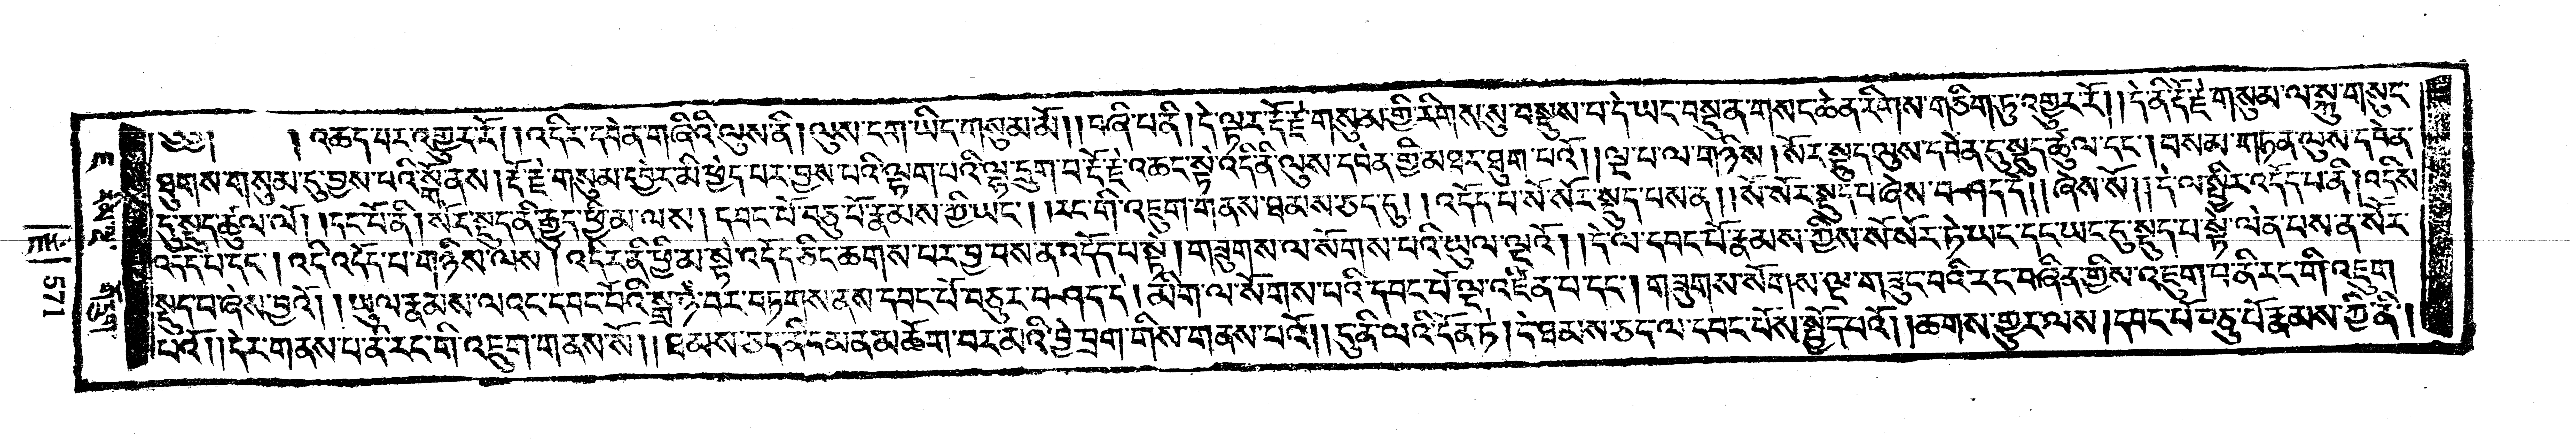༄༅། །འཆད་བར་འགྱུར་རོ། །འདིར་དབེན་གཞིའི་ལུས་ནི། ལུས་ངག་ཡིད་གསུམ་མོ། །བཞི་པ་ནི། དེ་ལྟར་རྡོ་རྗེ་གསུམ་གྱི་རིགས་སུ་བསྡུས་པ་དེ་ཡང་བསྡུ་ན་གསང་ཆེན་རིགས་གཅིག་ཏུ་འགྱུར་རོ། །དེ་ནི་རྡོ་རྗེ་གསུམ་ལ་སྐུ་གསུང་
ཐུགས་གསུམ་དུ་བྱས་པའི་སྒོ་ནས། རྡོ་རྗེ་གསུམ་དབྱེར་མི་ཕྱེད་པར་བྱས་པའི་ལྷག་པའི་ལྷ་དྲུག་པ་རྡོ་རྗེ་འཆང་སྟེ་འདི་ནི་ལུས་དབེན་གྱི་མཐར་ཐུག་པའོ། །ལྔ་པ་ལ་གཉིས། སོར་སྡུད་ལུས་དབེན་དུ་སྡུད་ཚུལ་དང་། བསམ་གཏན་ལུས་དབེན་
དུ་སྡུད་ཚུལ་ལོ། །དང་པོ་ནི། སེར་སྡུད་ནི་རྒྱུད་ཕྱི་མ་ལས། དབང་པོ་བཅུ་པོ་རྣམས་ཀྱི་ཡང་། །རང་གི་འཇུག་གནས་ཐམས་ཅད་དུ། །འདོད་པ་སོ་སོར་སྡུད་པས་ན། །སོ་སོར་སྡུད་པ་ཞེས་བཤད་དོ། །ཞེས་སོ། །དེ་ལ་སྤྱིར་འདོད་པ་ནི། འདིས་
འདོད་པ་དང་། འདི་འདོད་པ་གཉིས་ལས། འདིར་ནི་ཕྱི་མ་སྟེ་འདོད་ཅིང་ཆགས་པར་བྱ་བས་ན་འདོད་པ་སྟེ། གཟུགས་ལ་སོགས་པའི་ཡུལ་ལྔའོ། །དེ་ལ་དབང་པོ་རྣམས་ཀྱིས་སོ་སོར་ཏེ་ཡང་དང་ཡང་དུ་སྡུད་པ་སྟེ་ལེན་པས་ན་སོར་
སྡུད་པ་ཞེས་བྱའོ། །ཡུལ་རྣམས་ལའང་དབང་པོའི་སྒྲ་ཉེ་བར་བཏགས་ནས་དབང་པོ་བཅུར་བཤད་དེ། མིག་ལ་སོགས་པའི་དབང་པོ་ལྔ་འཛིན་པ་དང་། གཟུགས་སོགས་ལྔ་གཟུང་བའི་རང་བཞིན་གྱིས་འཇུག་པ་ནི་རང་གི་འཇུག་
པའོ། །དེར་གནས་པ་ནི་རང་གི་འཇུག་གནས་སོ། །ཐམས་ཅད་ནི་དམན་མཆོག་བར་མའི་བྱེ་བྲག་གིས་གནས་པའོ། །དུ་ནི་ལའི་དོན་ཏེ། དེ་ཐམས་ཅད་ལ་དབང་པོས་སྤྱོད་པའོ། །ཆགས་གྱུར་ལས། དབང་པོ་བཅུ་པོ་རྣམས་ཀྱི་ནི།